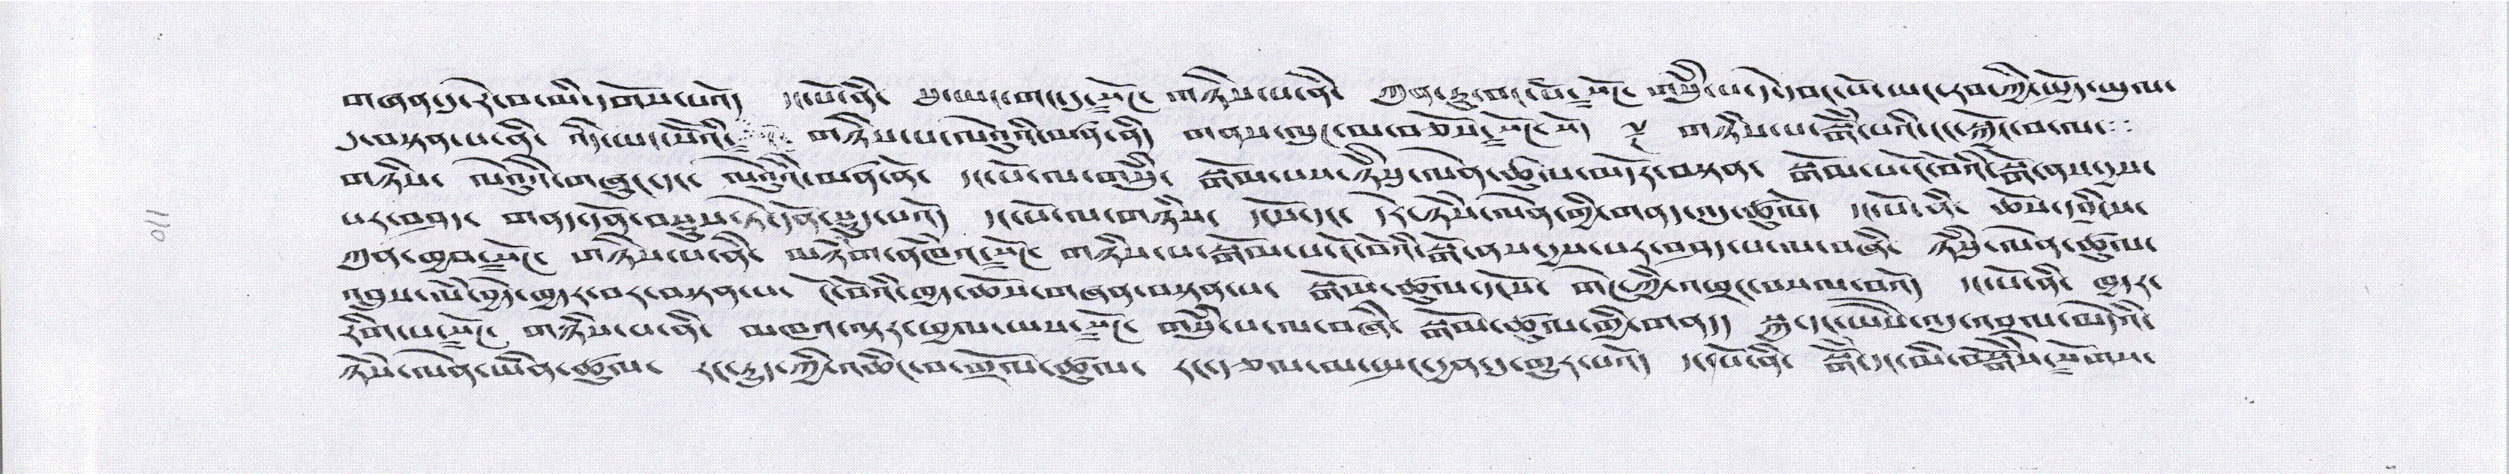གཞན་དུ་རེ་བ་མི་དགོས་པའོ། དང་པོ་ནི། སུ་ཡང་གང་དུ༑ སོགས། གཉིས་པ་ནི། ཀུན་ཏུ་བཟང་པོ༑ སོགས། གསུམ་པ་དེ་དབང་པོ་ཡང་རབ་ཀྱི་སྤྱོད་ཡུལ་
དུ་བསྟན་པ་ནི། འདི་ཡང་སོ་སོའི༑ གཉིས་པ་ལེའུ་མཚན་ནི། གནས་ལུགས་མ་བཅོས༑ སོགས་སོ། གཉིས་པ་སྒོམ་པའི་ངང་སྐྱོང་བ་ལ་
གཉིས། ལེའུའི་གཞུང་དང་། ལེའུའི་མཚན་ནོ། དང་པོ་ལ་གསུམ། སྒོམ་པས་ཉམས་སུ་ལེན་ཚུལ་མདོར་བསྟན། སྒོམ་པ་ངོ་བོའི་སྒོ་ནས་རྒྱས་
པར་བཤད། གནད་དོན་བསྡུས་ཏེ་དོན་སྡུད་པའོ། དང་པོ་ལ་གཉིས། དངོས་དང་། དེར་ཉམས་ལེན་གྱི་གནད་འདུ་ཚུལ་ལོ། དང་པོ་ནི། ཆོས་དབྱིངས་
ཀུན་ཁྱབ༑ གཉིས་པ་ནི། མཉམ་གཞག་ནམ་མཁའ༑ སོགས། གཉིས་པ་སྒོམ་པ་པོའི་སྒོ་ནས་རྒྱས་པར་བཤད་པ་ལ་བཞི། ཉམས་སུ་ལེན་ཚུལ་
འབྲས་བུ་ལམ་བྱེད་ཀྱི་ཁྱད་པར་བསྟན་པ། ངོ་བོའི་ཁྱད་ཆོས་གཞན་བསྟན་པ། སྒོམ་ཚུལ་དངོས། གེགས་ཀྱིས་འཕྲང་བསལ་བའོ། དང་པོ་ནི་ཁྱད་པར་
རིག་པ༑ སོགས། གཉིས་པ་ནི། མཁའ་ལྟར་ཕྱལ་ཡས༑ སོགས། གསུམ་པ་ལ་བཞི། སྒོམ་ཚུལ་གྱི་གནད། སྐུ་དང་ཡེ་ཤེས་འདུ་འབྲལ་མེད་པའི་
ཉམས་ལེན་ཡིན་ཚུལ། རང་རྒྱུད་ཀྱི་འཆིང་བ་གྲོལ་ཚུལ། རང་རྩལ་མ་སྤང་རྒྱན་དུ་གྱུར་པའོ། དང་པོ་ནི། སྒོམ་དང་མི་སྒོམ་ཕྱོགས་